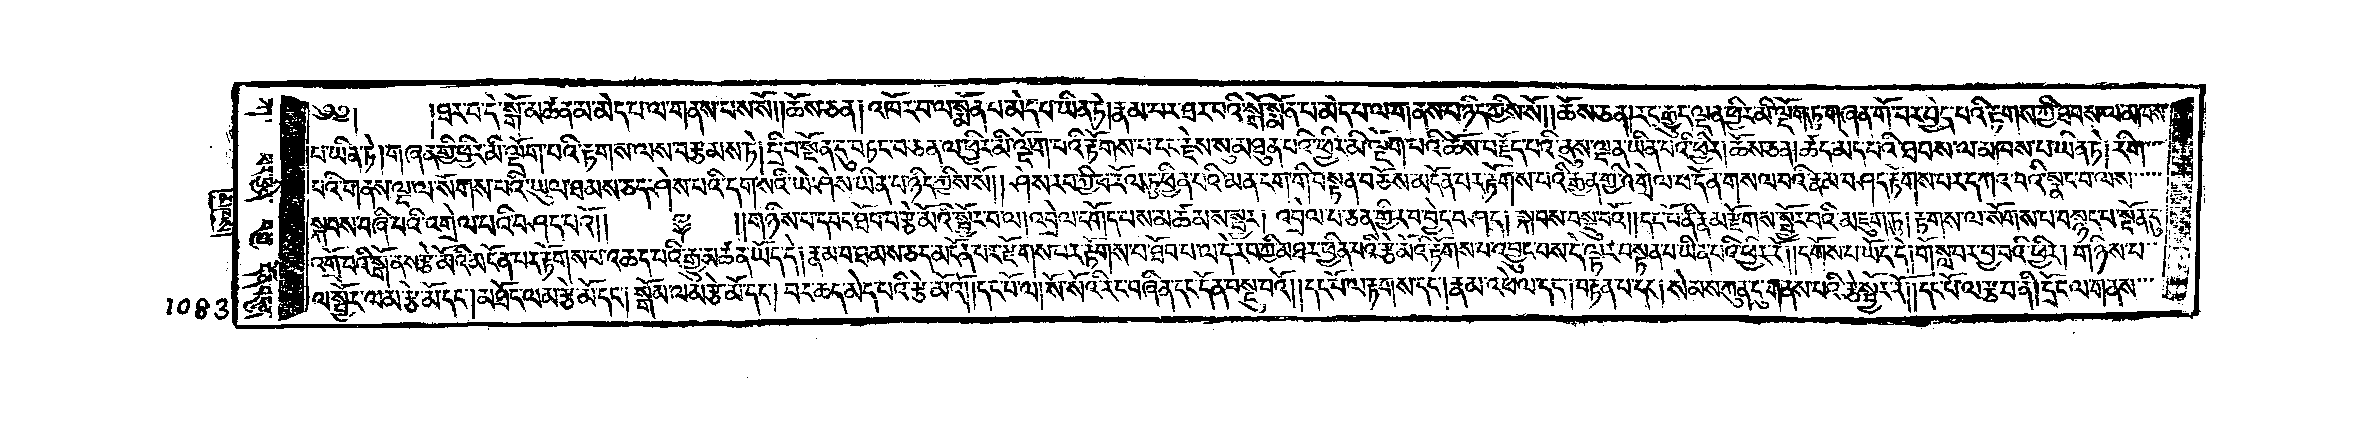༄༅། །ཐར་བ་དེ་སྒོ་མཚན་མ་མེད་པ་ལ་གནས་པས་སོ། །ཆོས་ཅན། འཁོར་བ་ལ་སྨོན་པ་མེད་པ་ཡིན་ཏེ། རྣམ་པར་ཐར་པའི་སྒོ་སྨོན་པ་མེད་པ་ལ་གནས་པ་ཉིད་ཀྱིས་སོ། །ཆོས་ཅན། རང་རྒྱུད་ལྡན་ཕྱིར་མི་ལྡོག་ཏུ་གཞན་གོ་བར་བྱེད་པའི་རྟགས་ཀྱི་ཐབས་ལ་མཁས་
པ་ཡིན་ཏེ། གཞན་གྱི་ཕྱིར་མི་ལྡོག་པའི་རྟགས་ལས་བརྩམས་ཏེ། དྲི་བ་སྔོན་དུ་བཏང་བ་ཅན་ལ་ཕྱིར་མི་ལྡོག་པའི་རྟོགས་པ་དང་རྗེས་སུ་མཐུན་པའི་ཕྱིར་མི་ལྡོག་པའི་ཆོས་བརྗོད་པའི་ནུས་ལྡན་ཡིན་པའི་ཕྱིར། ཆོས་ཅན། ཚད་མེད་པའི་ཐབས་ལ་མཁས་པ་ཡིན་ཏེ། རིག་
པའི་གནས་ལྔ་ལ་སོགས་པའི་ཡུལ་ཐམས་ཅད་ཤེས་པའི་དག་སའི་ཡེ་ཤེས་ཡིན་པ་ཉིད་ཀྱིས་སོ། །ཤེས་རབ་ཀྱི་ཕ་རོལ་ཏུ་ཕྱིན་པའི་མན་ངག་གི་བསྟན་བཅོས་མངོན་པར་རྟོགས་པའི་རྒྱན་གྱི་འགྲེལ་པ་དོན་གསལ་བའི་རྣམ་བཤད་རྟོགས་པར་དཀའ་བའི་སྣང་བ་ལས་
སྐབས་བཞི་པའི་འགྲེལ་པའི་བཤད་པའོ།། ༈ །།གཉིས་པ་དབང་ཐོབ་པ་རྩེ་མོའི་སྦྱོར་བ་ལ། འབྲེལ་དགོད་པས་མཚམས་སྦྱར། འབྲེལ་པ་ཅན་གྱི་རབ་བྱེད་བཤད། སྐབས་བསྡུ་བའོ། །དང་པོ་ནི་རྣམ་རྫོགས་སྦྱོར་བའི་མཇུག་ཏུ། རྟགས་ལ་སོགས་པ་བསྙད་པ་སྔོན་དུ་
འགྲོ་བའི་སྒོ་ནས་རྩེ་མོའི་མངོན་པར་རྟོགས་པ་འཆད་པའི་རྒྱུ་མཚན་ཡོད་དེ། རྣམ་པ་ཐམས་ཅད་མངོན་པར་རྫོགས་པར་རྟོགས་པ་ཐོབ་པ་ལ་དེ་རབ་ཀྱི་མཐར་ཕྱིན་པའི་རྩེ་མོའི་རྟོགས་པ་འབྱུང་བས་དེ་ལྟར་བསྟན་པ་ཡིན་པའི་ཕྱིར་རོ། །དགོས་པ་ཡོད་དེ། གོ་སླ་བར་བྱ་བའི་ཕྱིར། གཉིས་པ་
ལ་སྦྱོར་ལམ་རྩེ་མོ་དང་། མཐོང་ལམ་རྩེ་མོ་དང་། སྒོམ་ལམ་རྩེ་མོ་དང་། བར་ཆད་མེད་པའི་རྩེ་མོའོ། །དང་པོ་ལ། སོ་སོའི་རང་བཞིན་དང་དོན་བསྡུ་བའོ། །དང་པོ་ལ་རྟགས་དང་། རྣམ་འཕེལ་དང་། བརྟན་པ་དང་། སེམས་ཀུན་དུ་གནས་པའི་རྩེ་སྦྱོར་རོ། །དང་པོ་ལ་རྩ་བ་ནི། དྲོང་ལ་གནས་